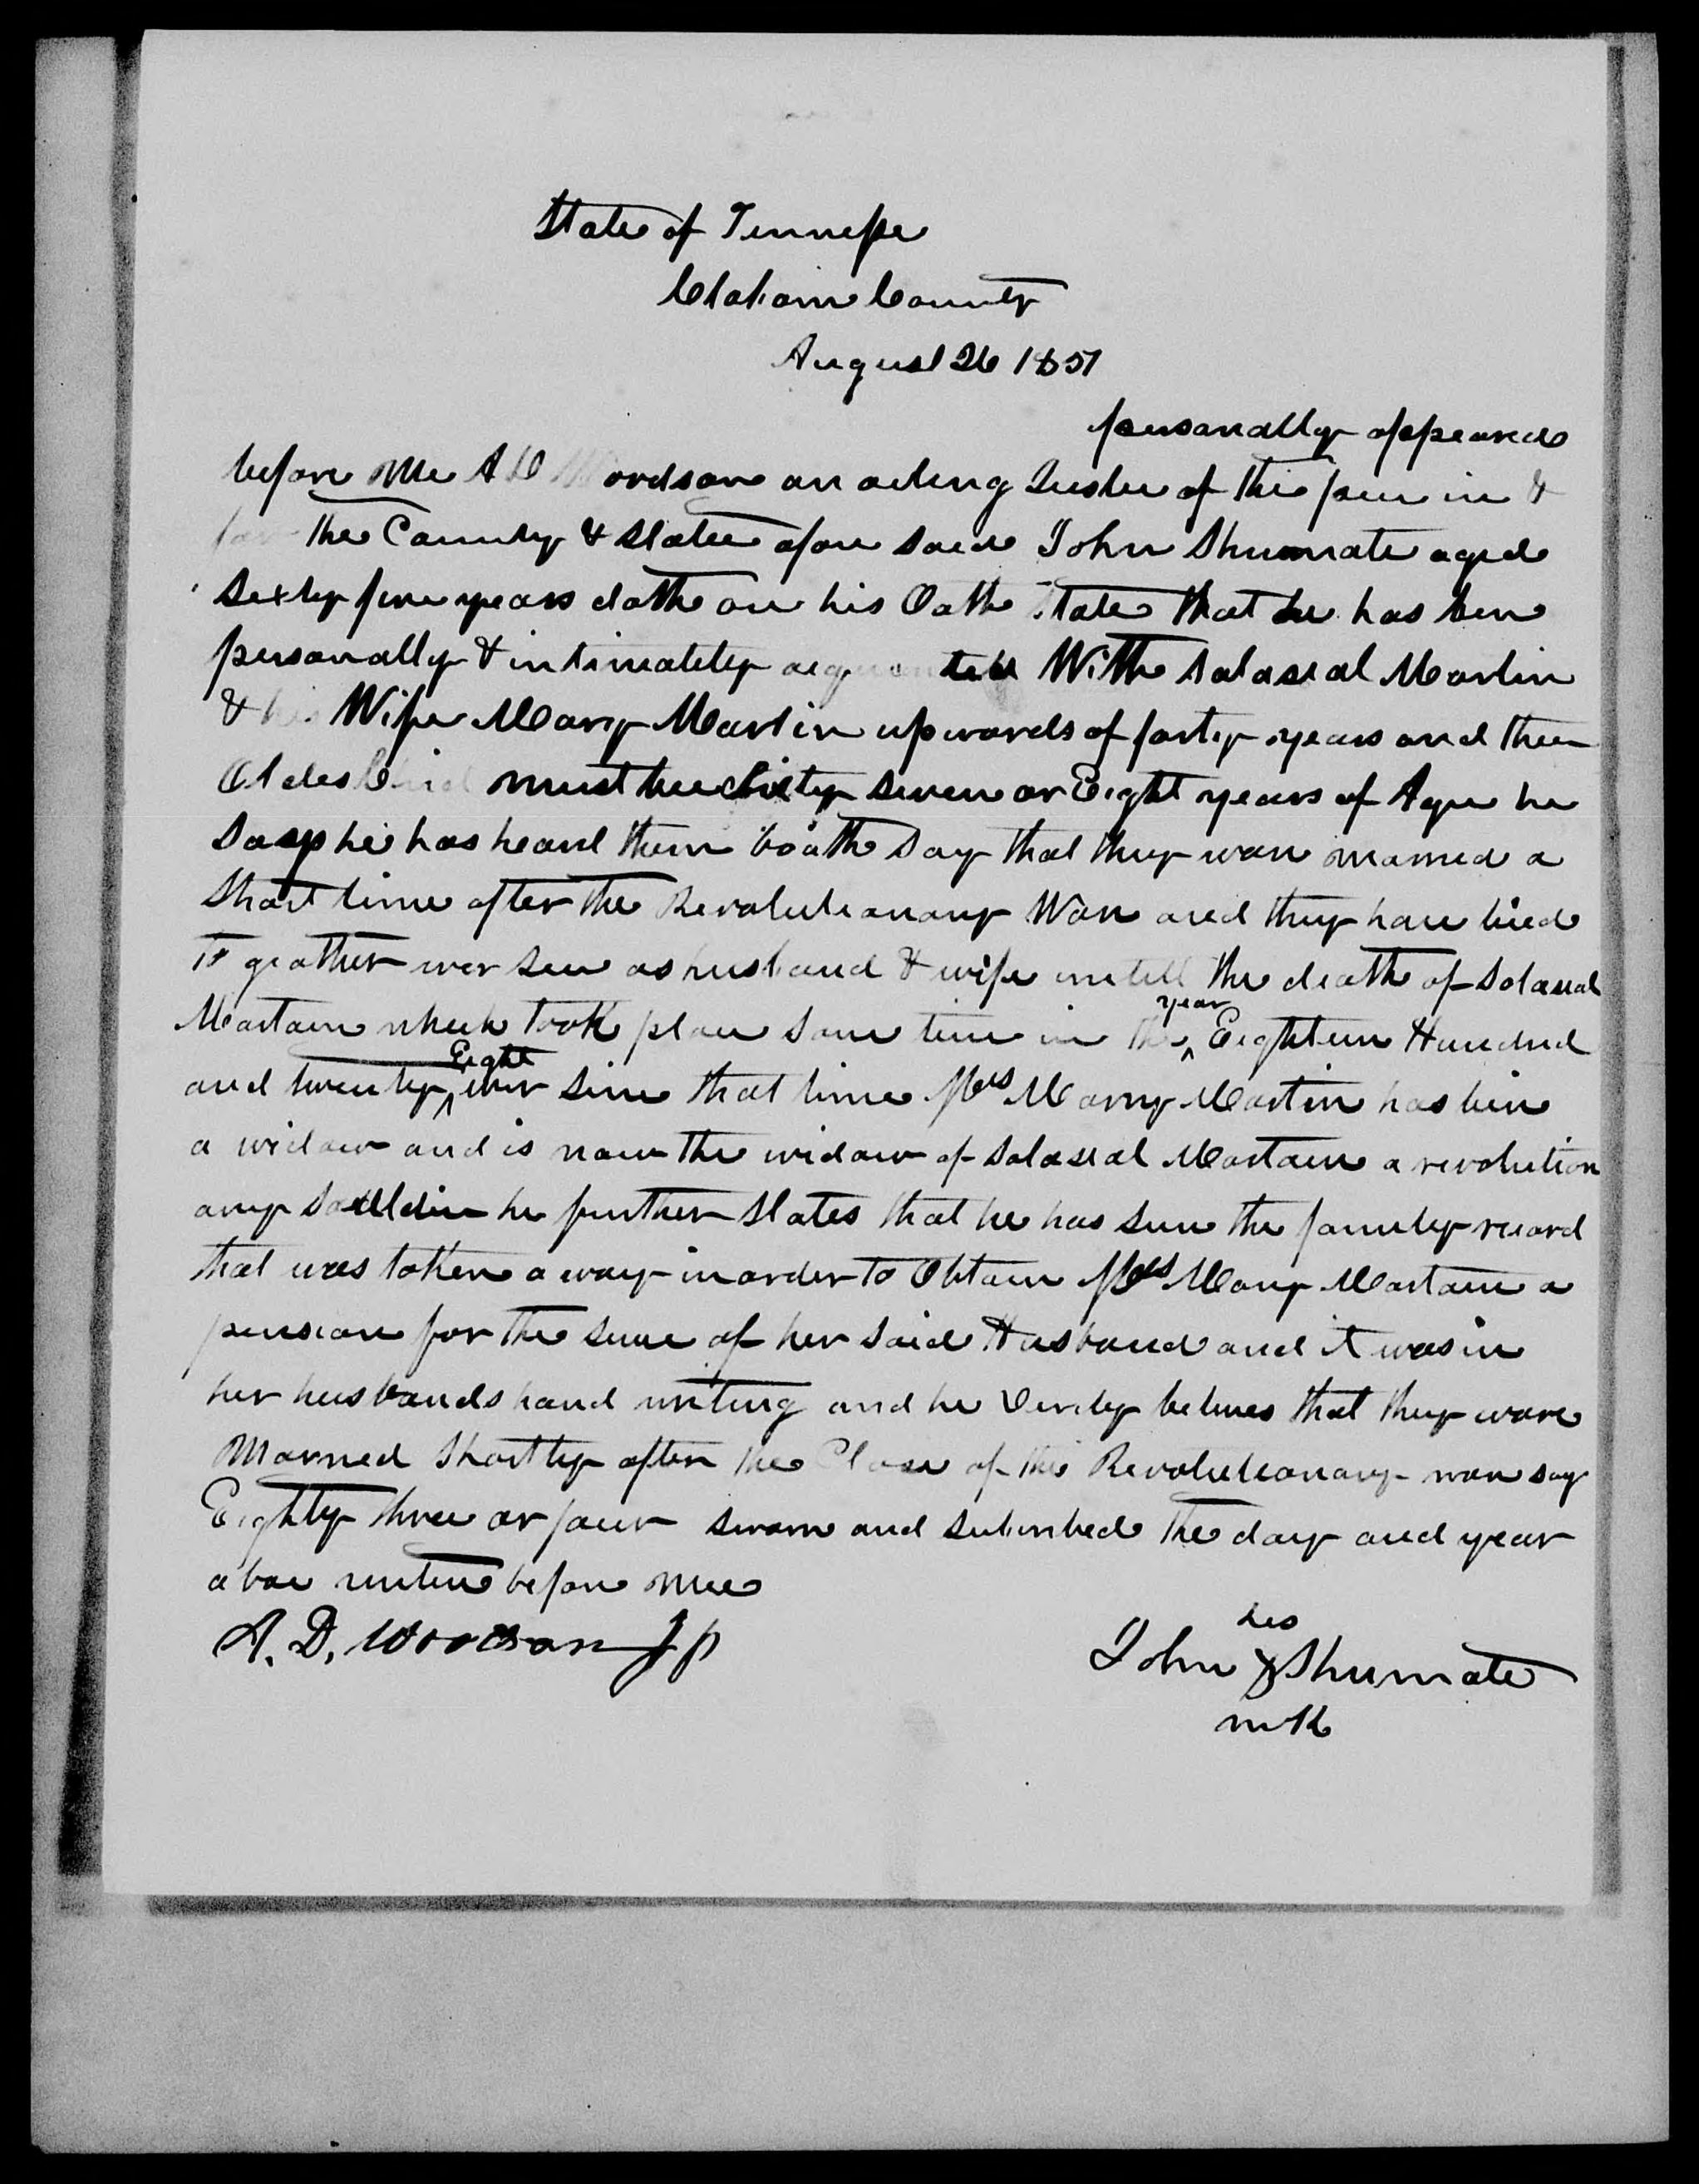State of Tennessee
Claiborne County
August 26 1857
personally appeared
before me A.D Woodson an acting Justice of the peace &
for the County & State afore said John Shumate aged
sixty five years doth on his Oath state that he has been
personally & intimately acquainted with Salaseal [Salathiel] Martin
& his Wife Mary Martin upwards of forty years and there
Oldest child must be thirty seven or Eight years of Age he
says he has heard then boath [both] say that they were married a
short time after the Revolutionary War and they have lived
to gather [together] ever see as husband & wife untill [until] the death of Solanal [Salathiel]
Martain [Martin] which took place some time in the year Eighteen Hundred
and twenty Eight [illegible] since that time. Mrs Mary Martin has been
a widow and is now the widow of Salasial [Salathiel] Martain [Martin] a revolution
ary [illegible] he further states that he has seen the family record
that was taken a way in order to obtain Mrs Mary Martain [Martin] a
pension for the service of her Said Husband and it was in
her husbands hand writing and he verily believes that they were
Married shortly after the Close of this Revolutionary war say
Eighty three or four sworn and subscribed the day and year
above written before me

John his x mark Shumate

A.D. Woodson JP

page: 101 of 120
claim: widow's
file: W. 1044, for Salathiel Martin, North Carolina